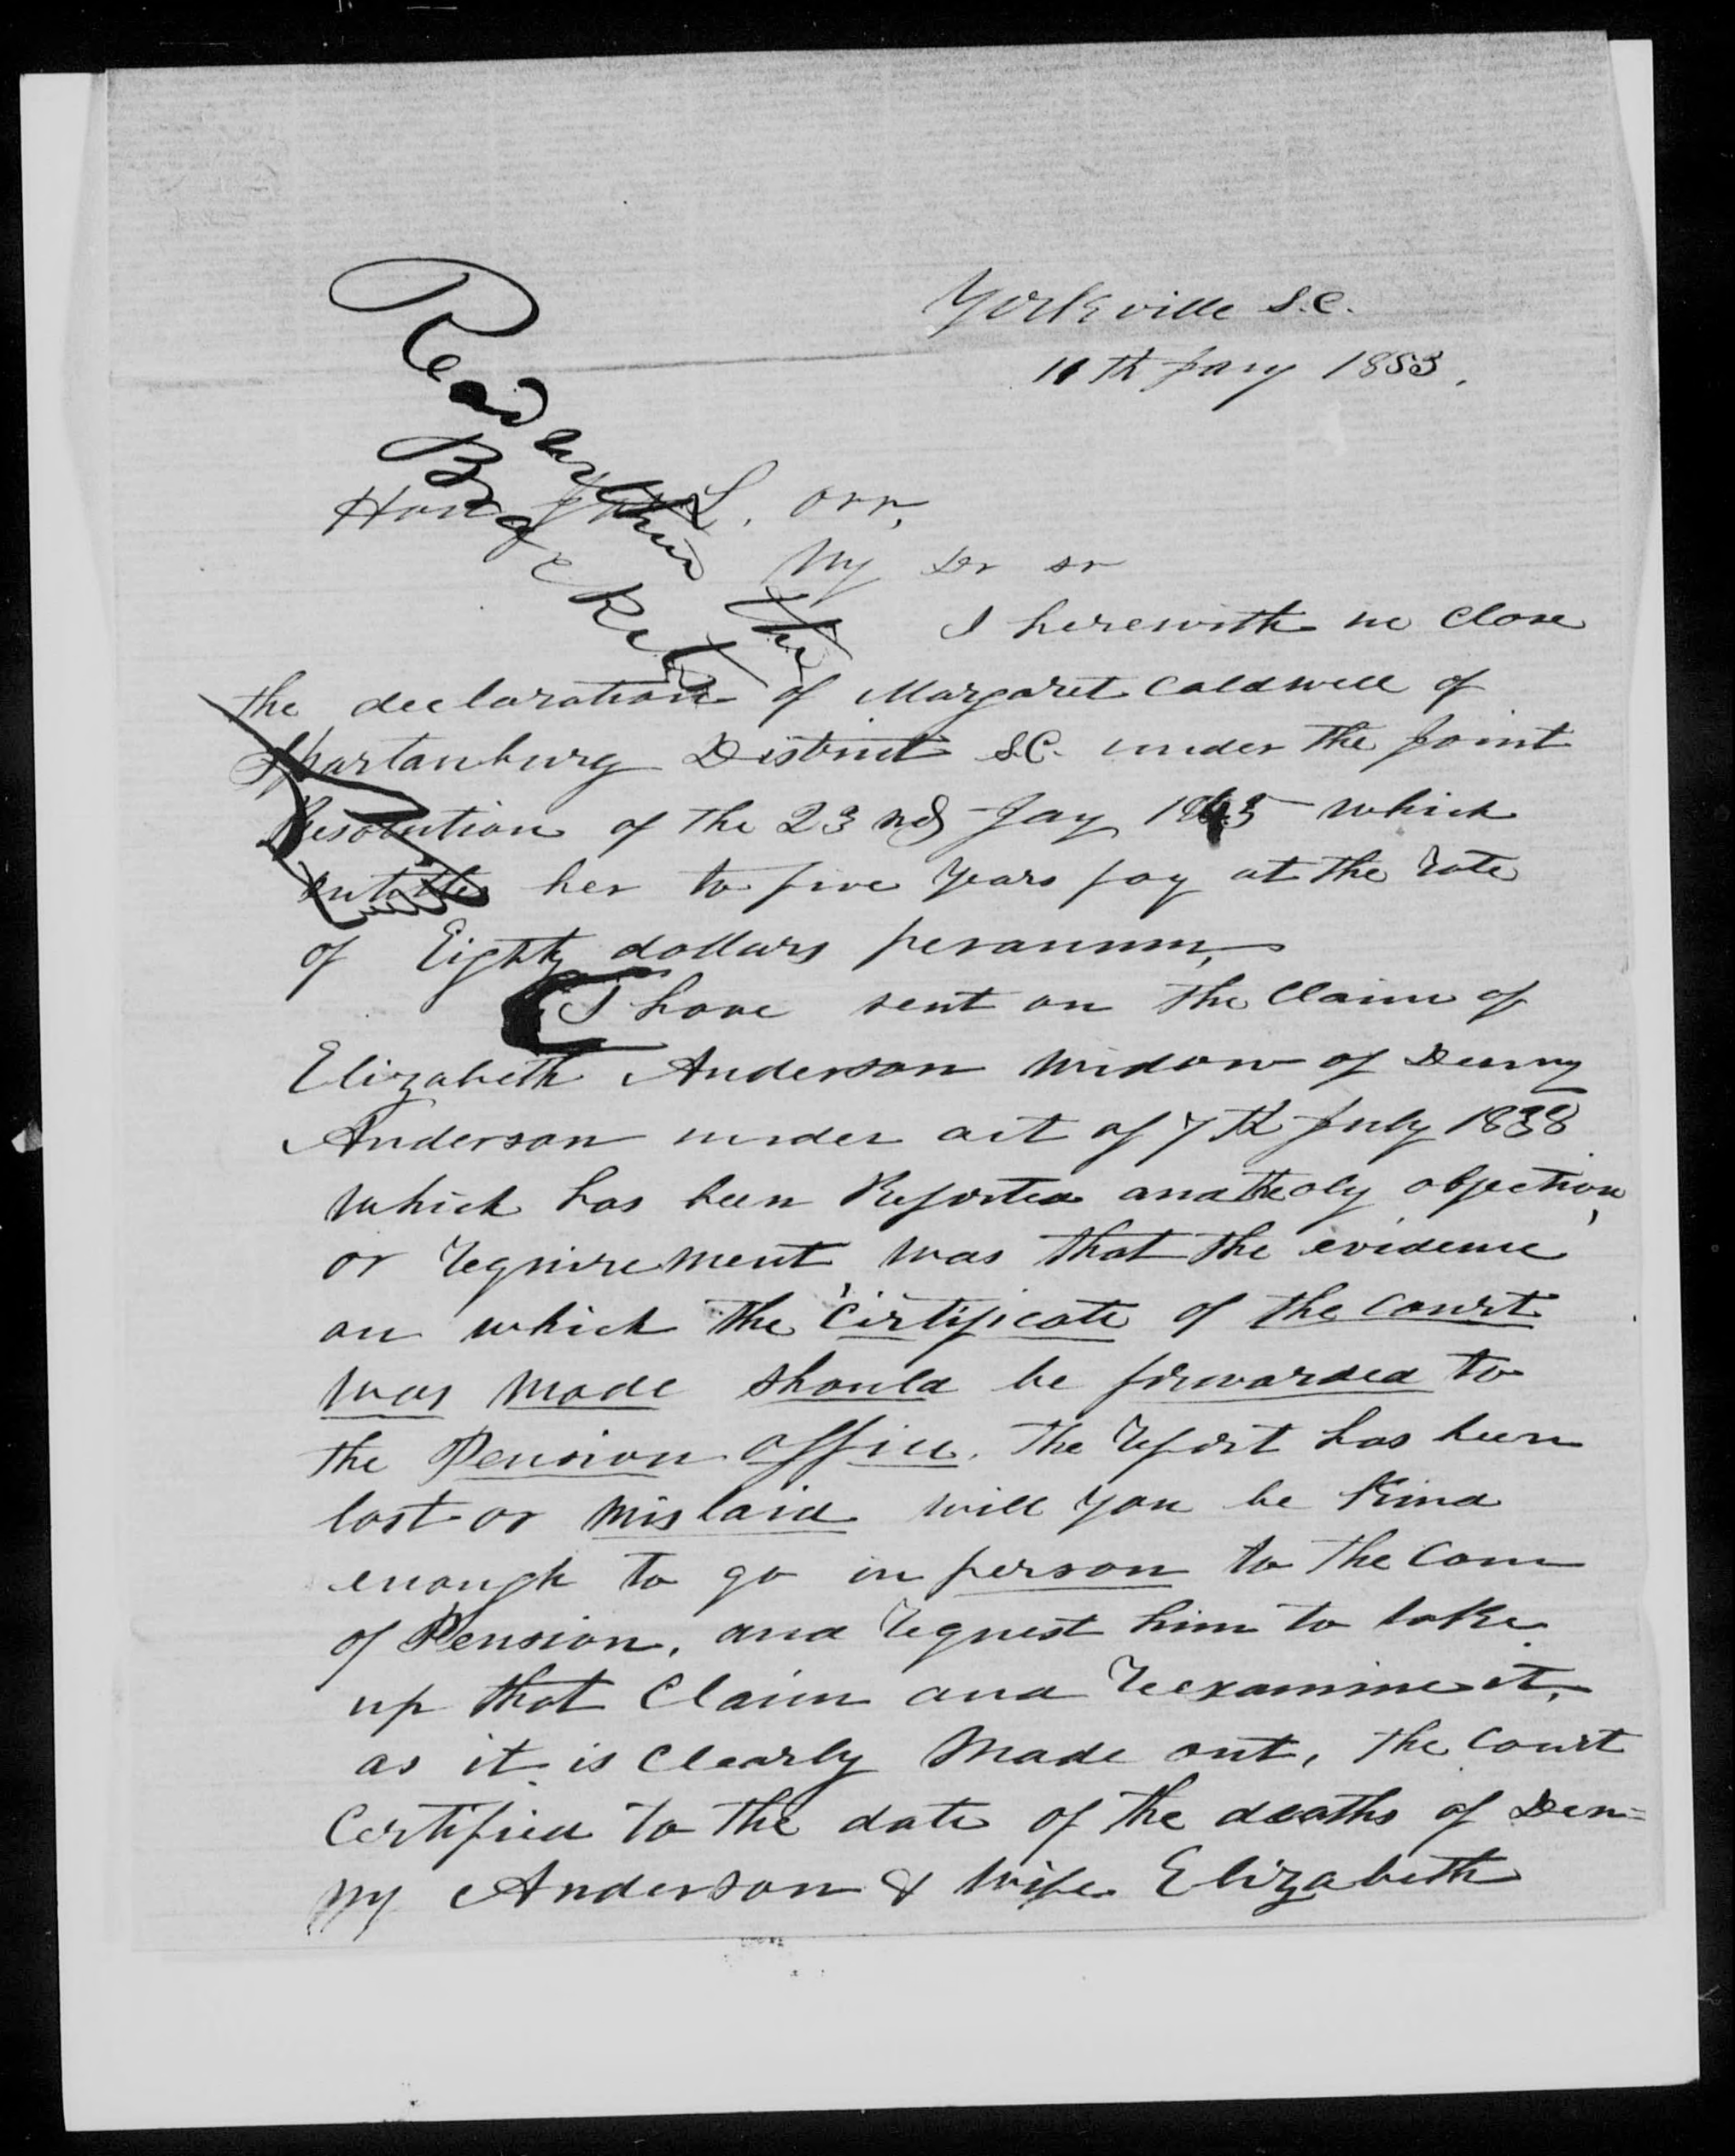Read within the brackets

Yorkville S.C
11th Jany 1853.

Hon Jas L. Orr,
Mr Dr Sr
I herewith inclose declaration of Margaret Caldwell of Spartanburg District S.C. under the joint resolution of the 23rd Jan 1845 which entitles her to five years pay at the rate of Eighty dollars per annum
{
I have sent on the claim of Elizabeth Anderson widow of Denny Anderson under act of 7th July 1838 which has been reported and only objection or requirement was that the evidence on which the certificate of the Court was made should be forwarded to the Pension Office, the report has been lost or mislaid will you be kind enough to go in person to the com of Pension, and request him to take up that claim and reexamine it, as it is clearly made out, the Court Certified to the date of the deaths of Denny Anderson & wife Elizabeth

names: Elizabeth Anderson, Denny Anderson, Margaret Caldwell, Denny Anderson, Elizabeth, Jas L Orr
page: 48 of 51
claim: widow's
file: W. 9700, Denney Anderson, S.C.